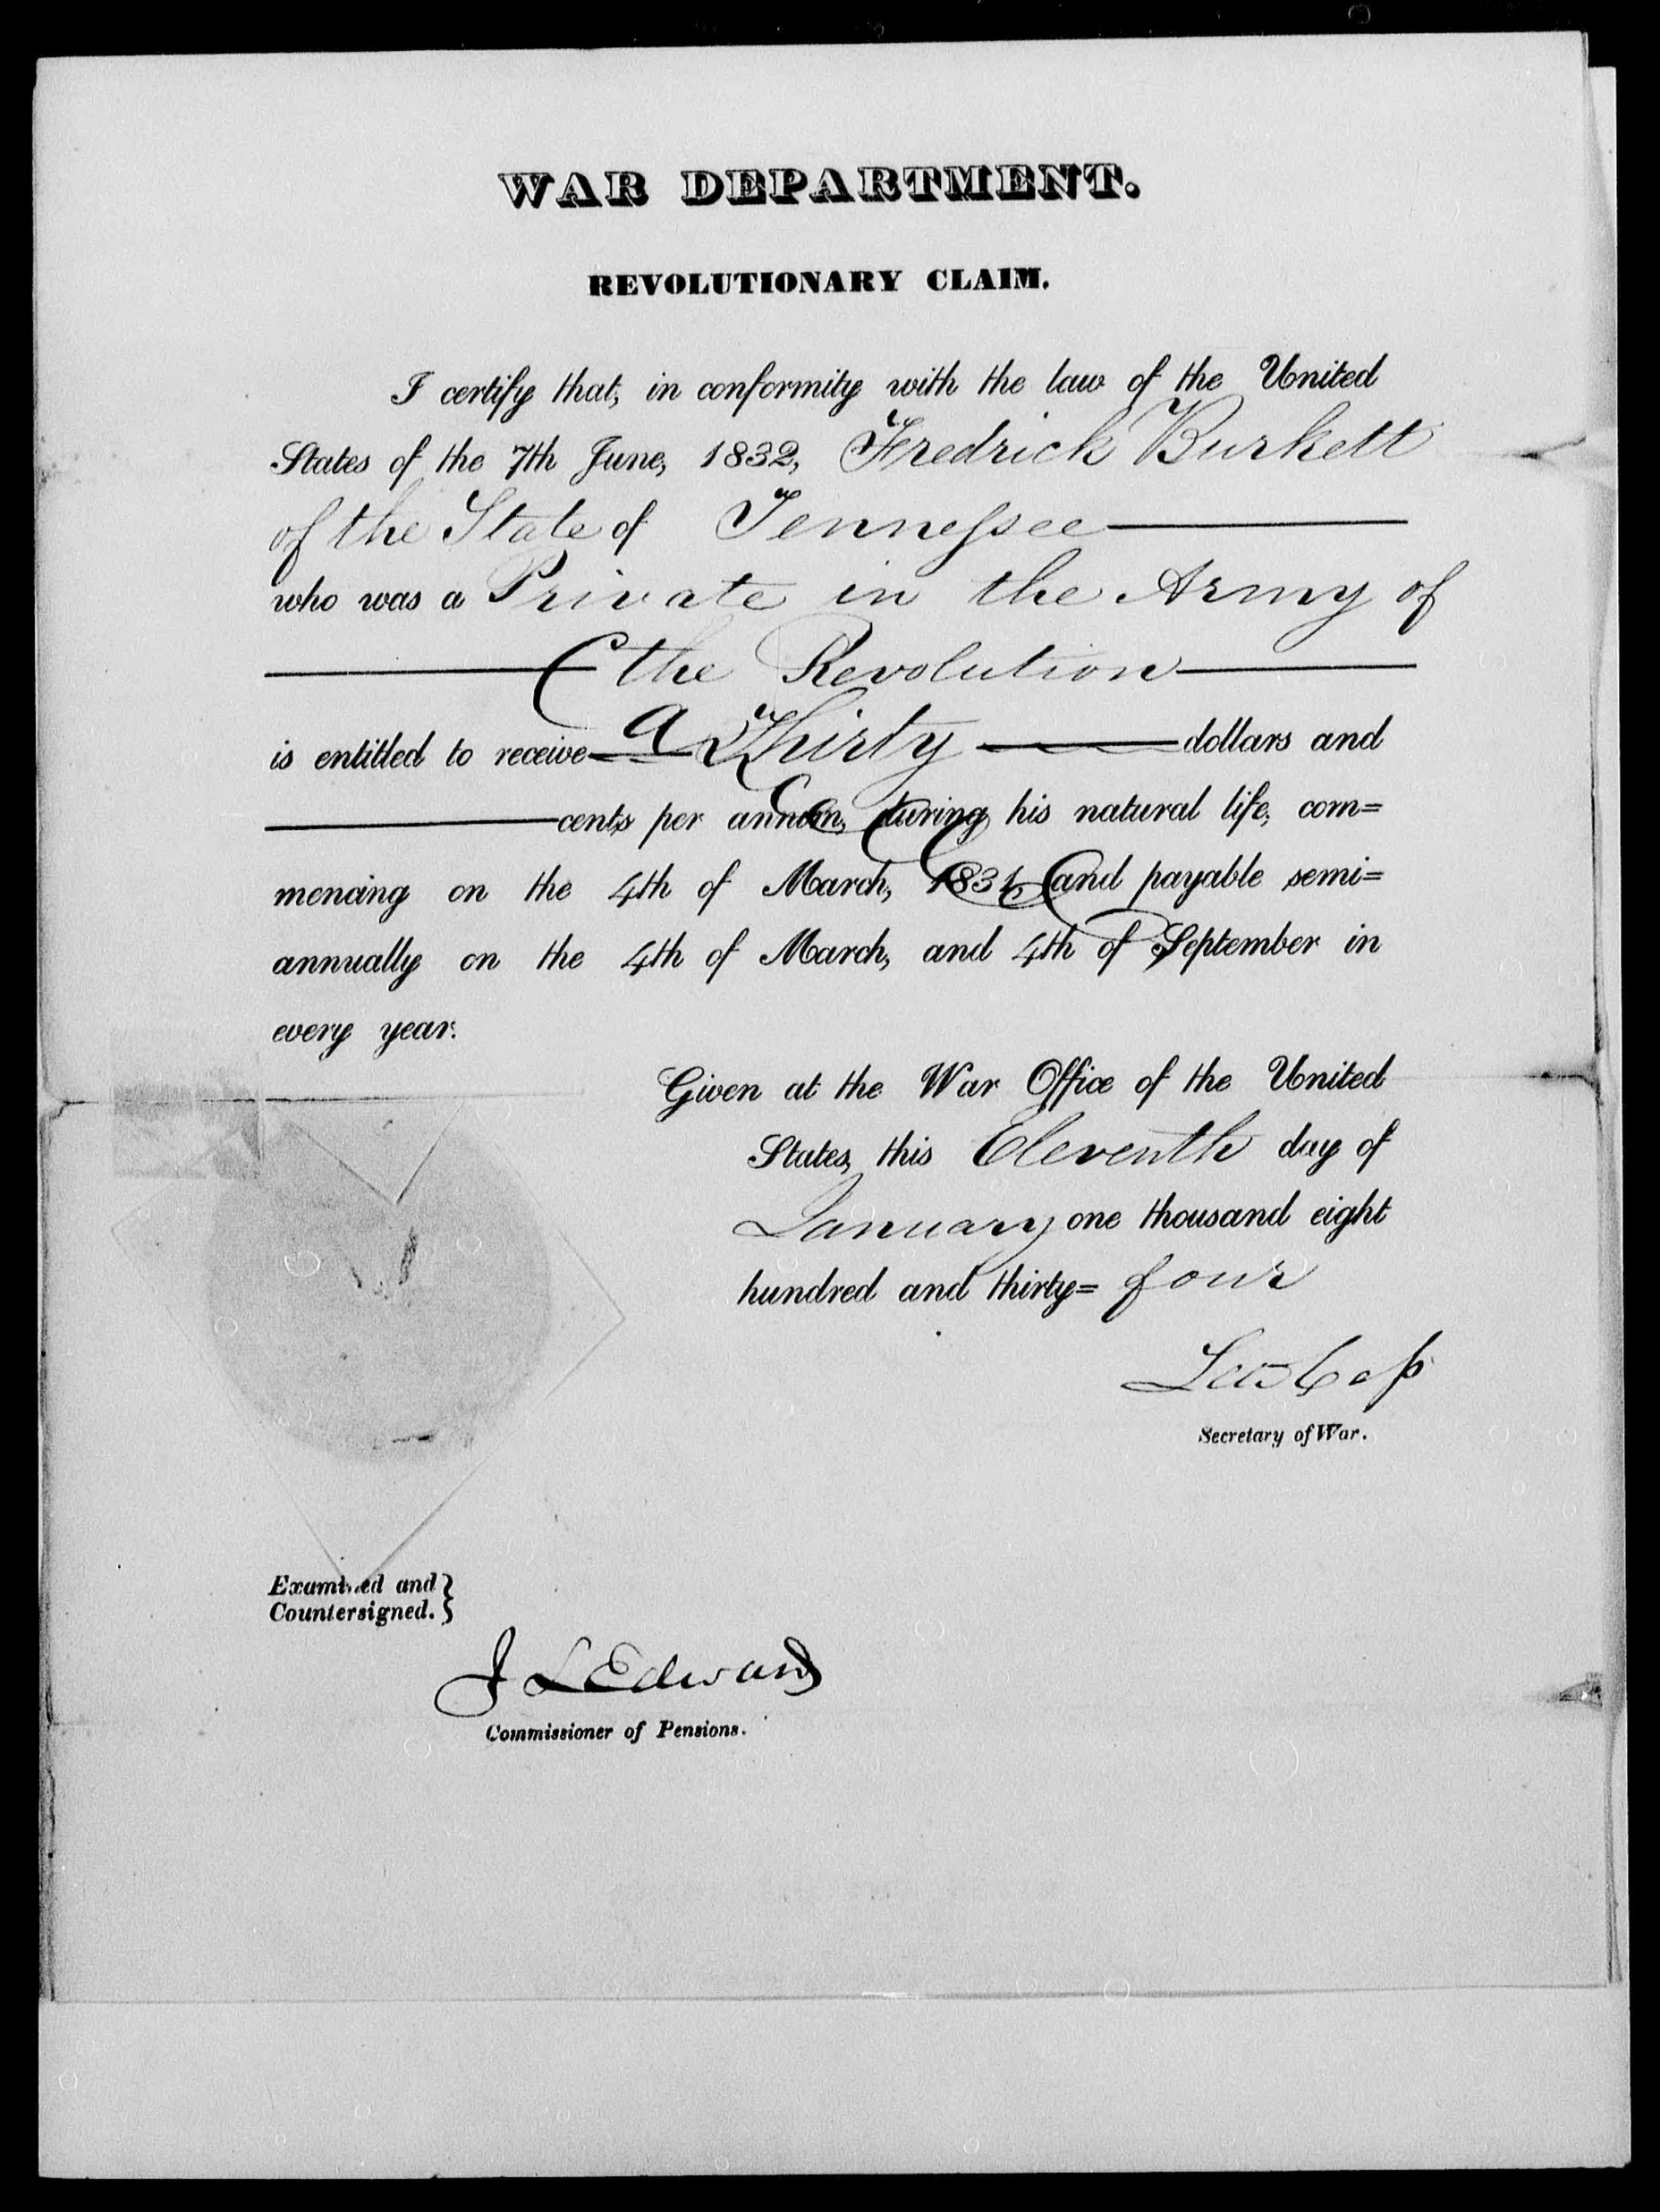WAR DEPARTMENT.
REVOLUTIONARY CLAIM.

I certify that, in conformity with the law of the United States of the 7th June, 1832, Frederick Burkett of the State of Tennessee who was a Private in the Army of the Revolution is entitled to receive thirty dollars and 

CANCELLED (written crossways)

cents per annum, during his natural life, commencing on the 4th of March, 1831, and payable semiannually on the 4th of March, and 4th of September in every year.

Given at the War Office of the United States, this Eleventh day of January one thousand eight hundred and thirty=four

Lew Cass
Secretary of War.

Examined and Countersigned.}

J L Edwards
Commissioner of Pensions.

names: Fredrick Burkett, Lew Cass, J L Edwards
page: 24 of 47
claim: survivor's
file: S. 3102, Frederick Burket, Va.